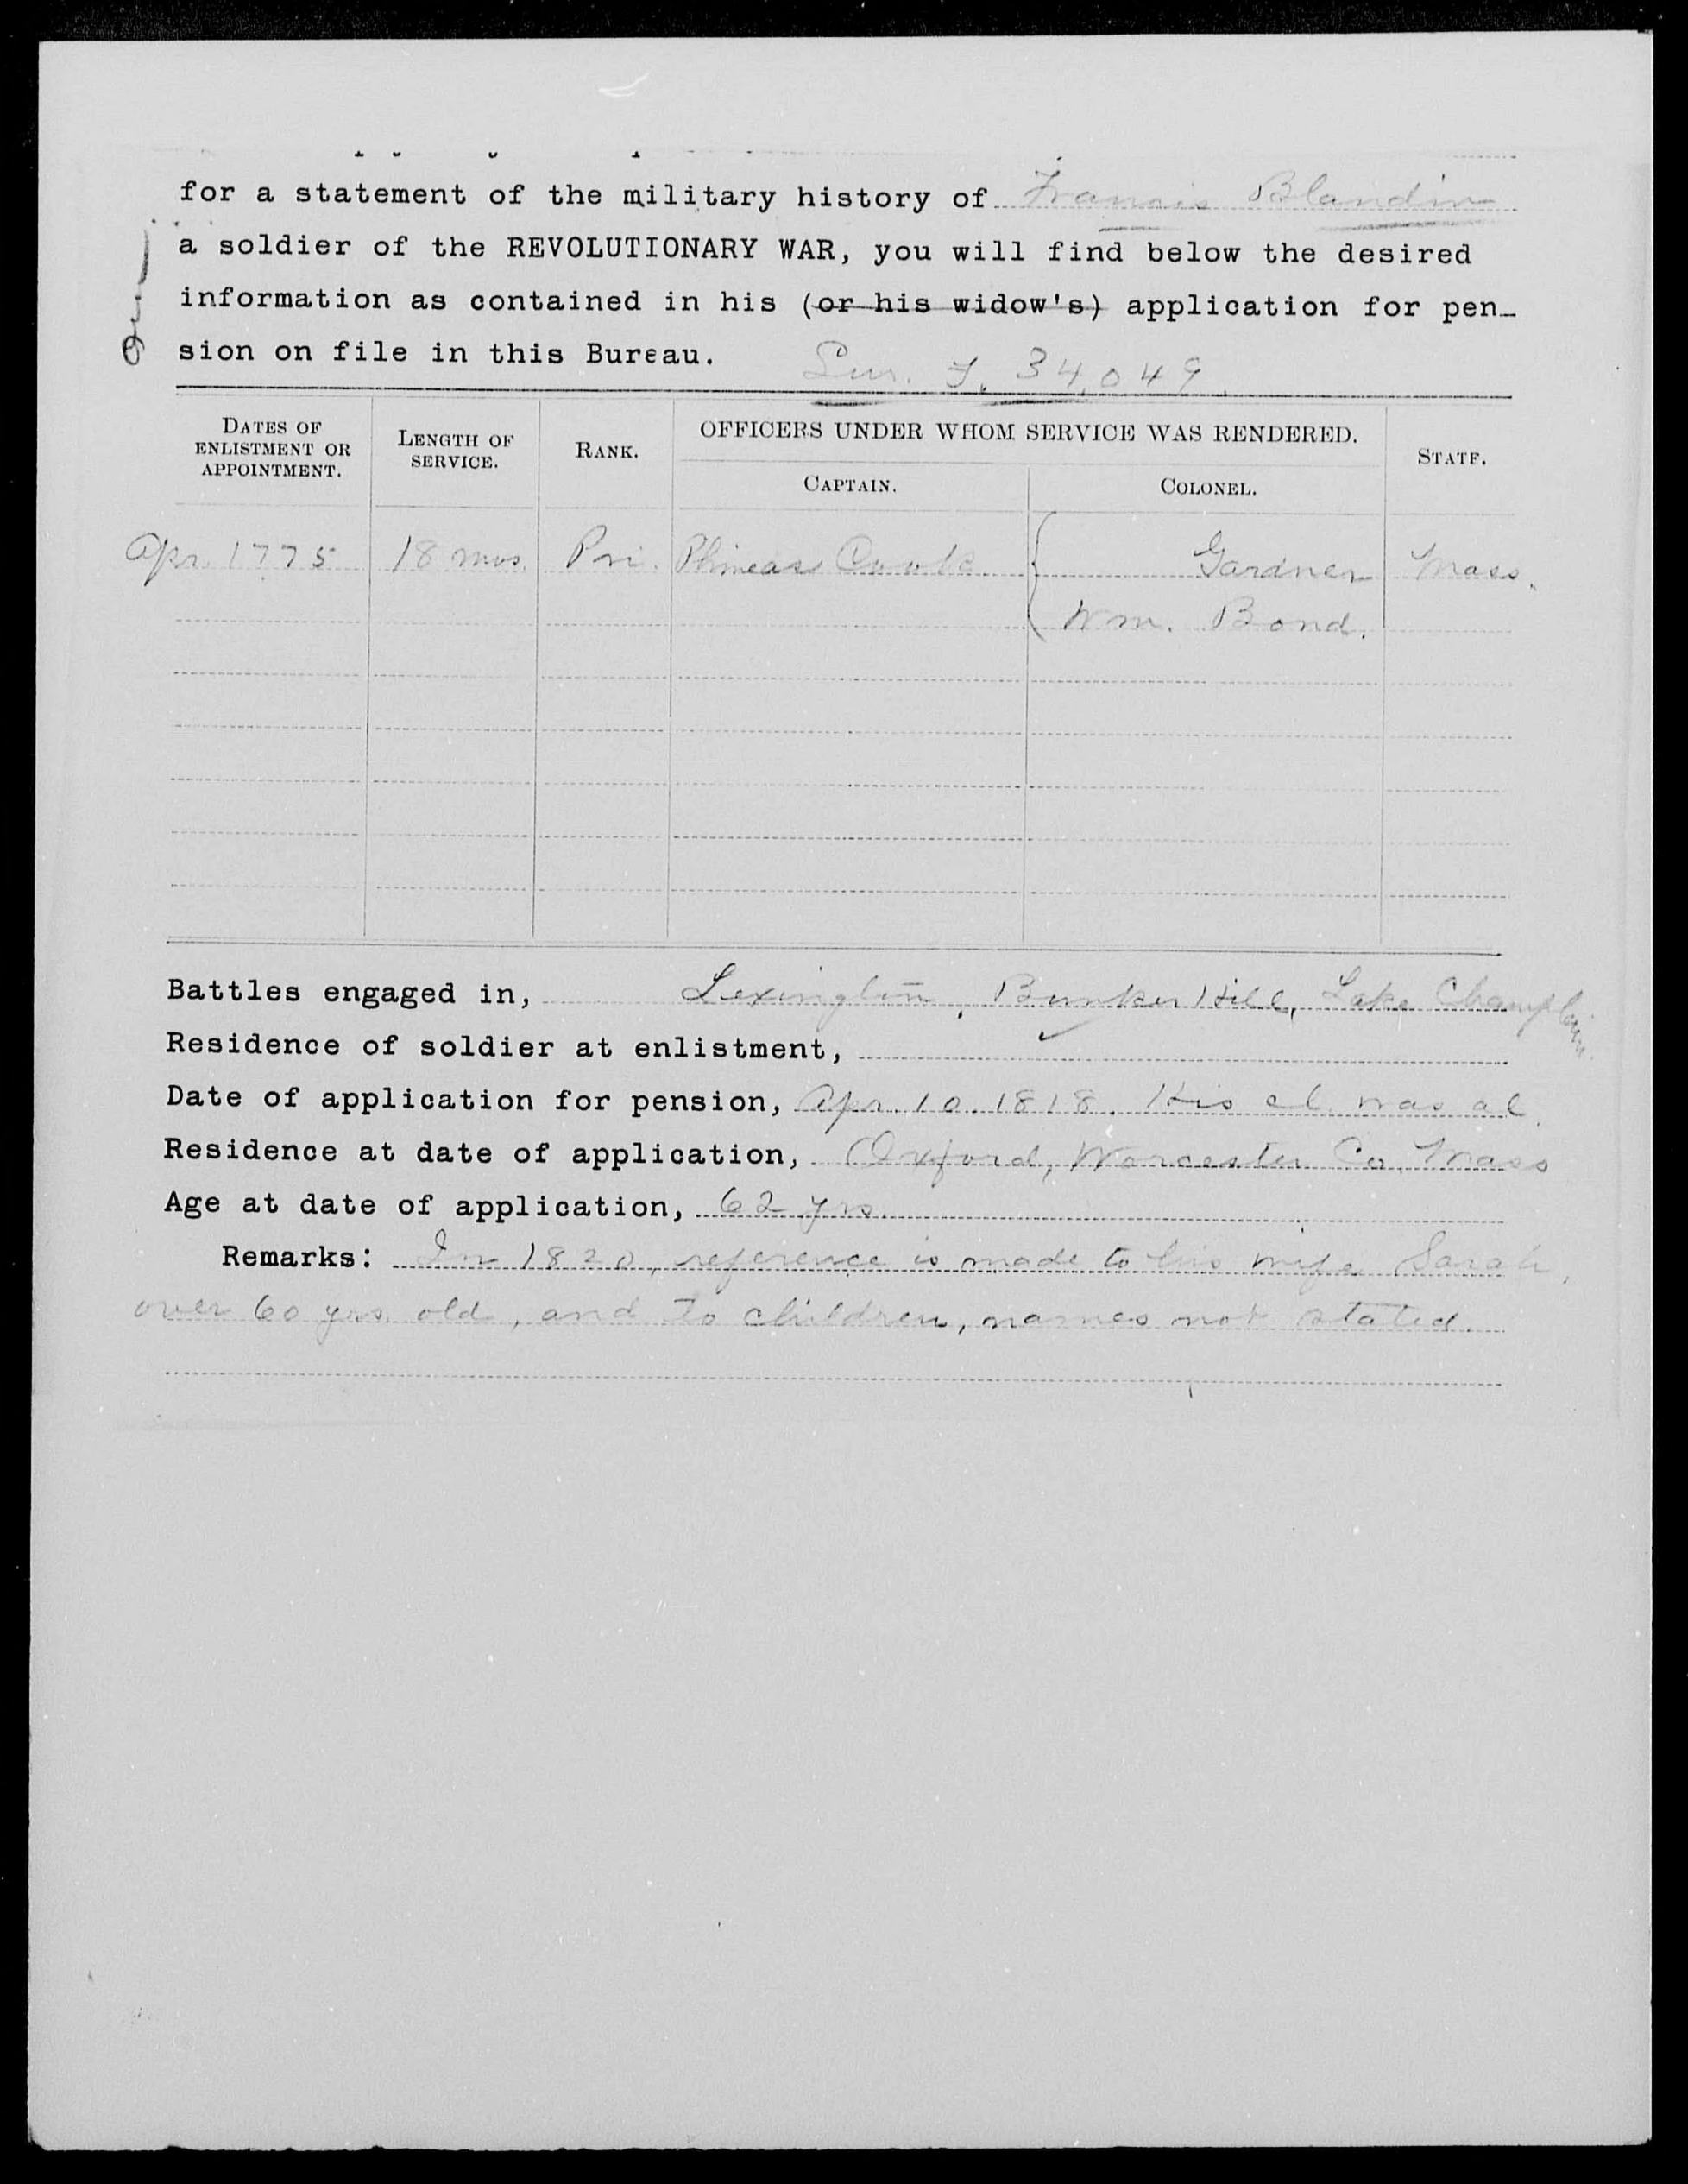for a statement of the military history of Francis Blandin a soldier of the REVOLUTIONARY WAR, you will find below the desired information as contained in his application for pension on file in this Bureau.

Sur F 34049

DATES OF ENLISTMENT OR APPOINTMENT - LENGTH - RANK - OFFICERS - STATE

April 1775 - 18 months - Private - Capt Phineas Cook, Col Gardner & Col Wm Bond - Mass

Battles engaged in:  Lexington, Bunker Hill, Lake Champlain

Residence of soldier at enlistment:  

Date of application for pension:  Apr 10, 1818.    His cl(aim) was al(lowed)

Residence at date of application:  Oxford, Worcester Co, Mass

Age at date of application:  62 yrs

Remarks: In 1820, reference is made to his wife Sarah, over 60 yrs old, and to children, names not stated.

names: Sarah, Wm Bond, Phineas Cook, Gardner, Francis Blandin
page: 8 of 14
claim: survivor's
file: S. 34,049, Francis Blandin, Mass.